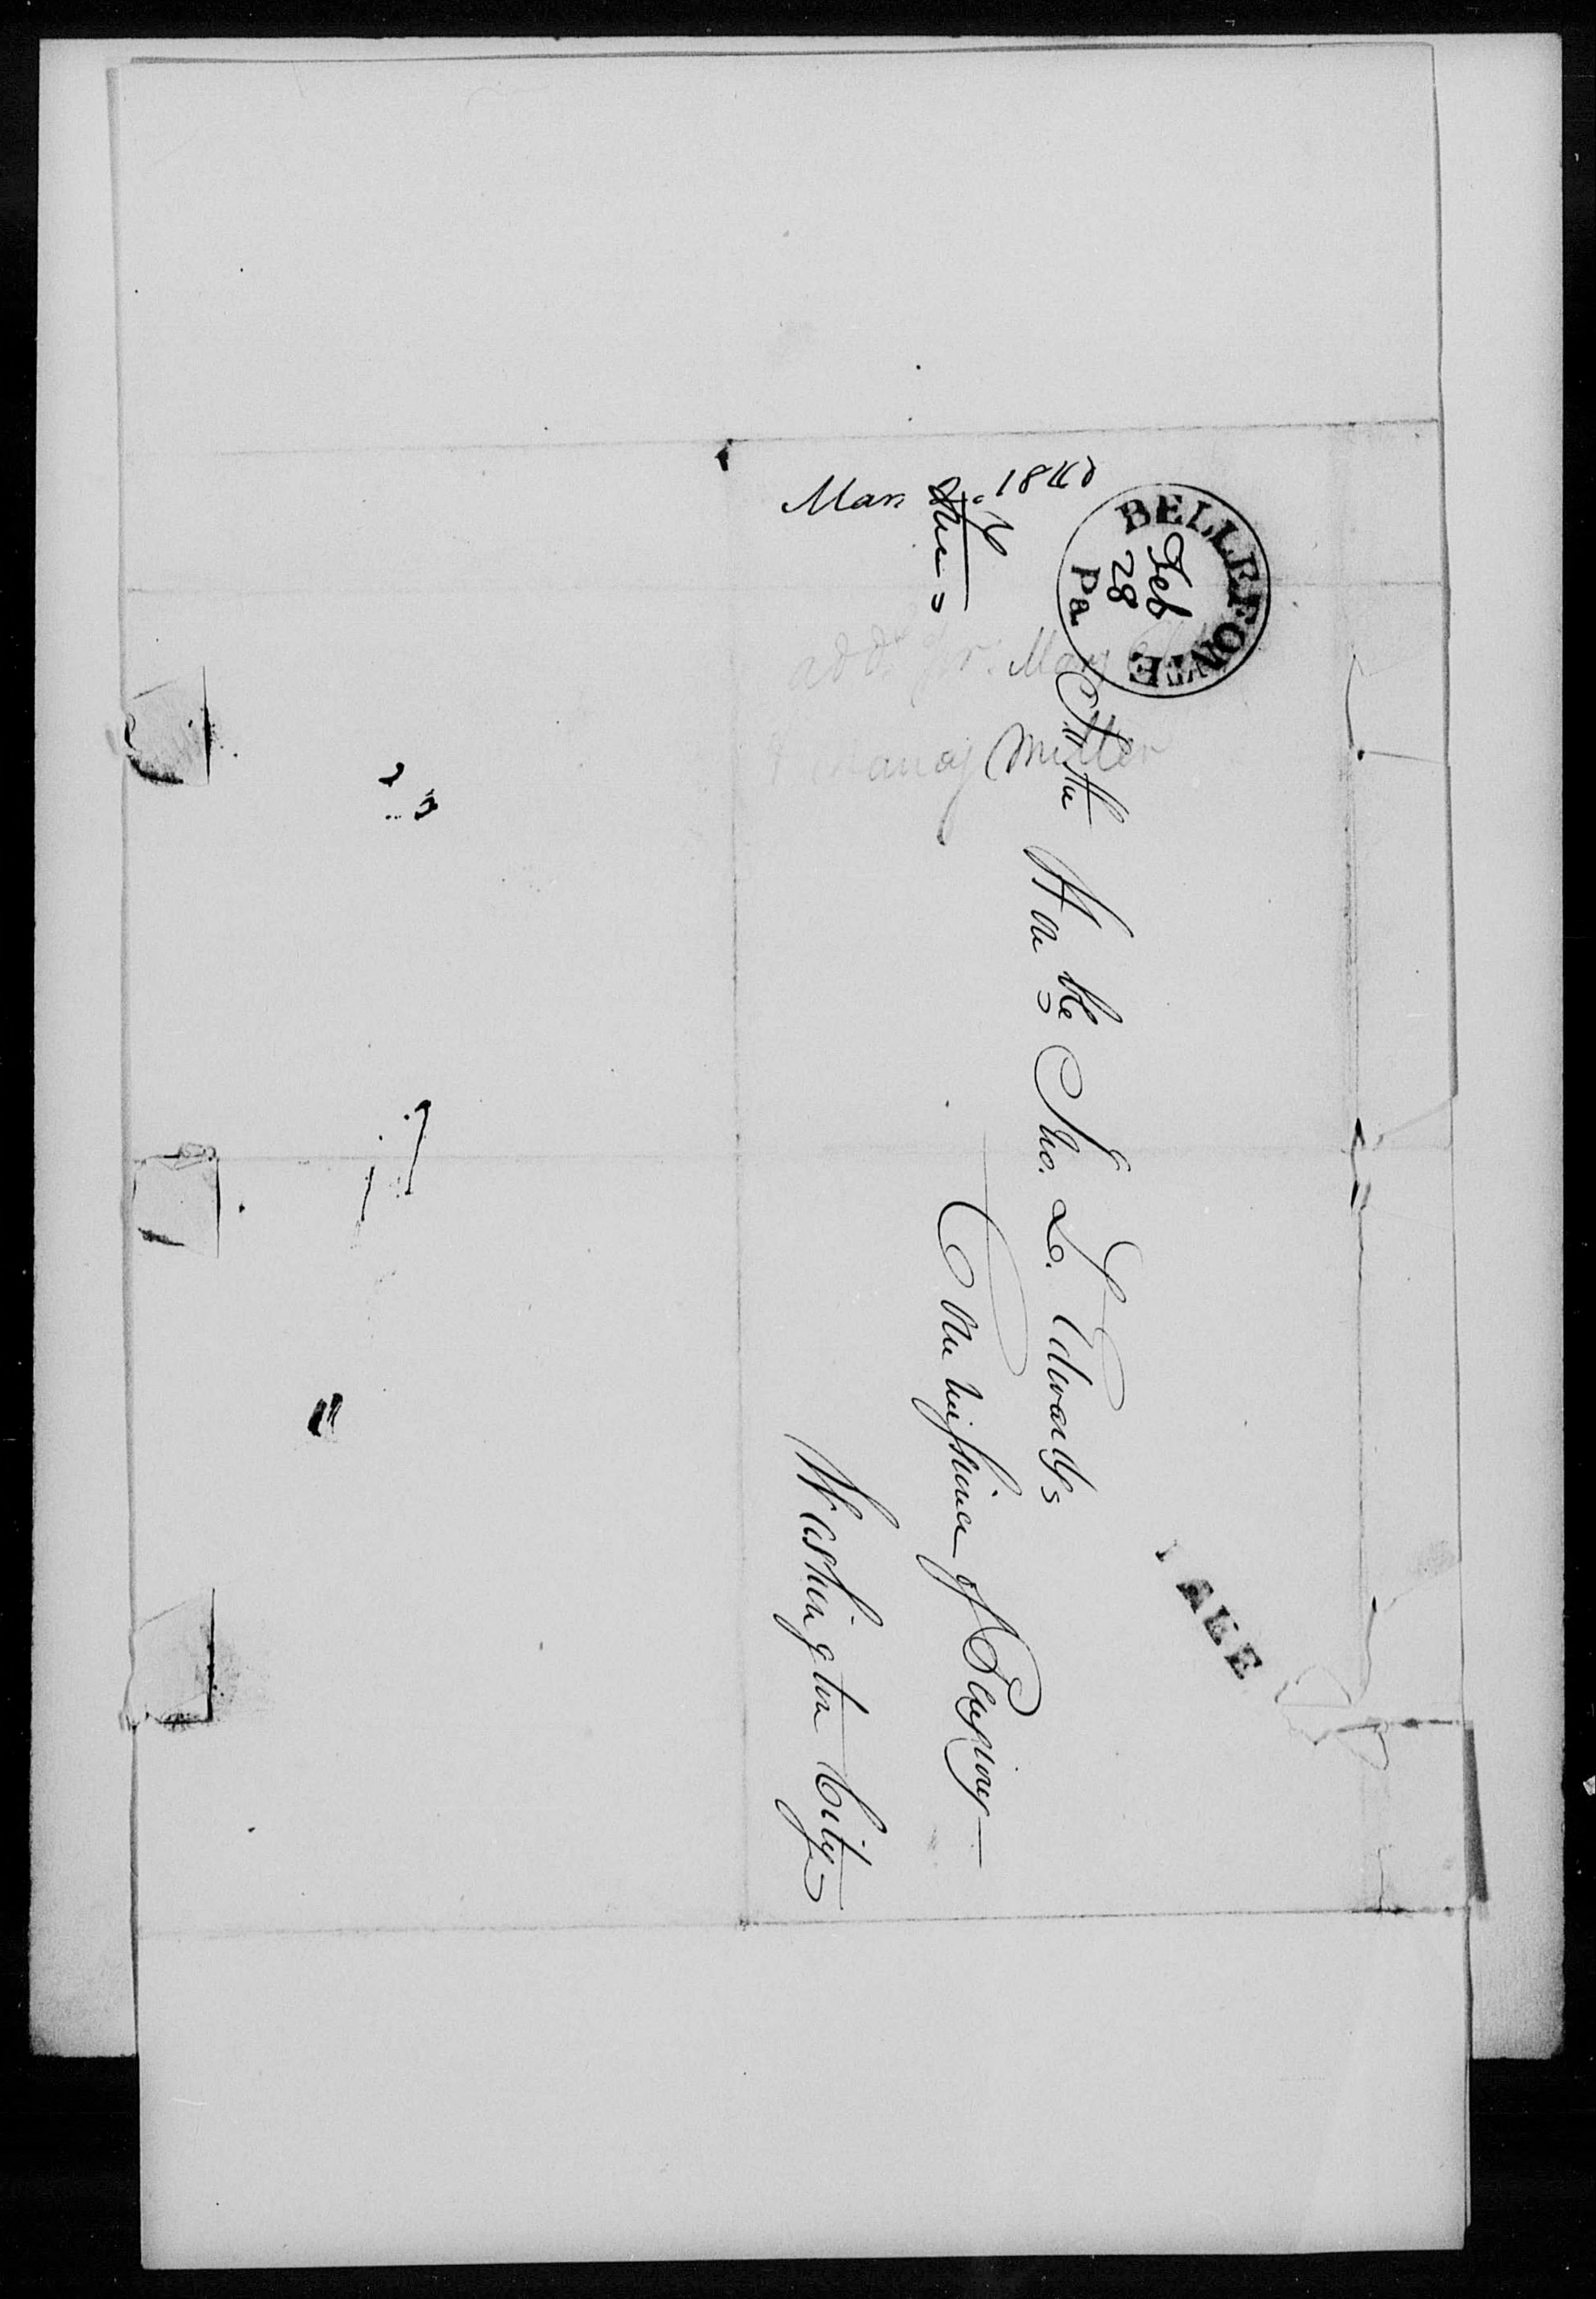This is an addressed envelope scanned side ways. The following can be read on it:

horizontally - May 2, 1840
a stamp circular in size shows Bellefonte, across the top Feb 28 in the middle, Pa along the bottom.

vertically - Hon Jno L. Edwards
Commissioner of Pensions
Washington City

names: Nancy Miller, Jno L Edwards, Mary Elder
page: 59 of 80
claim: widow's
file: W. 24117, John Elder, Penn.